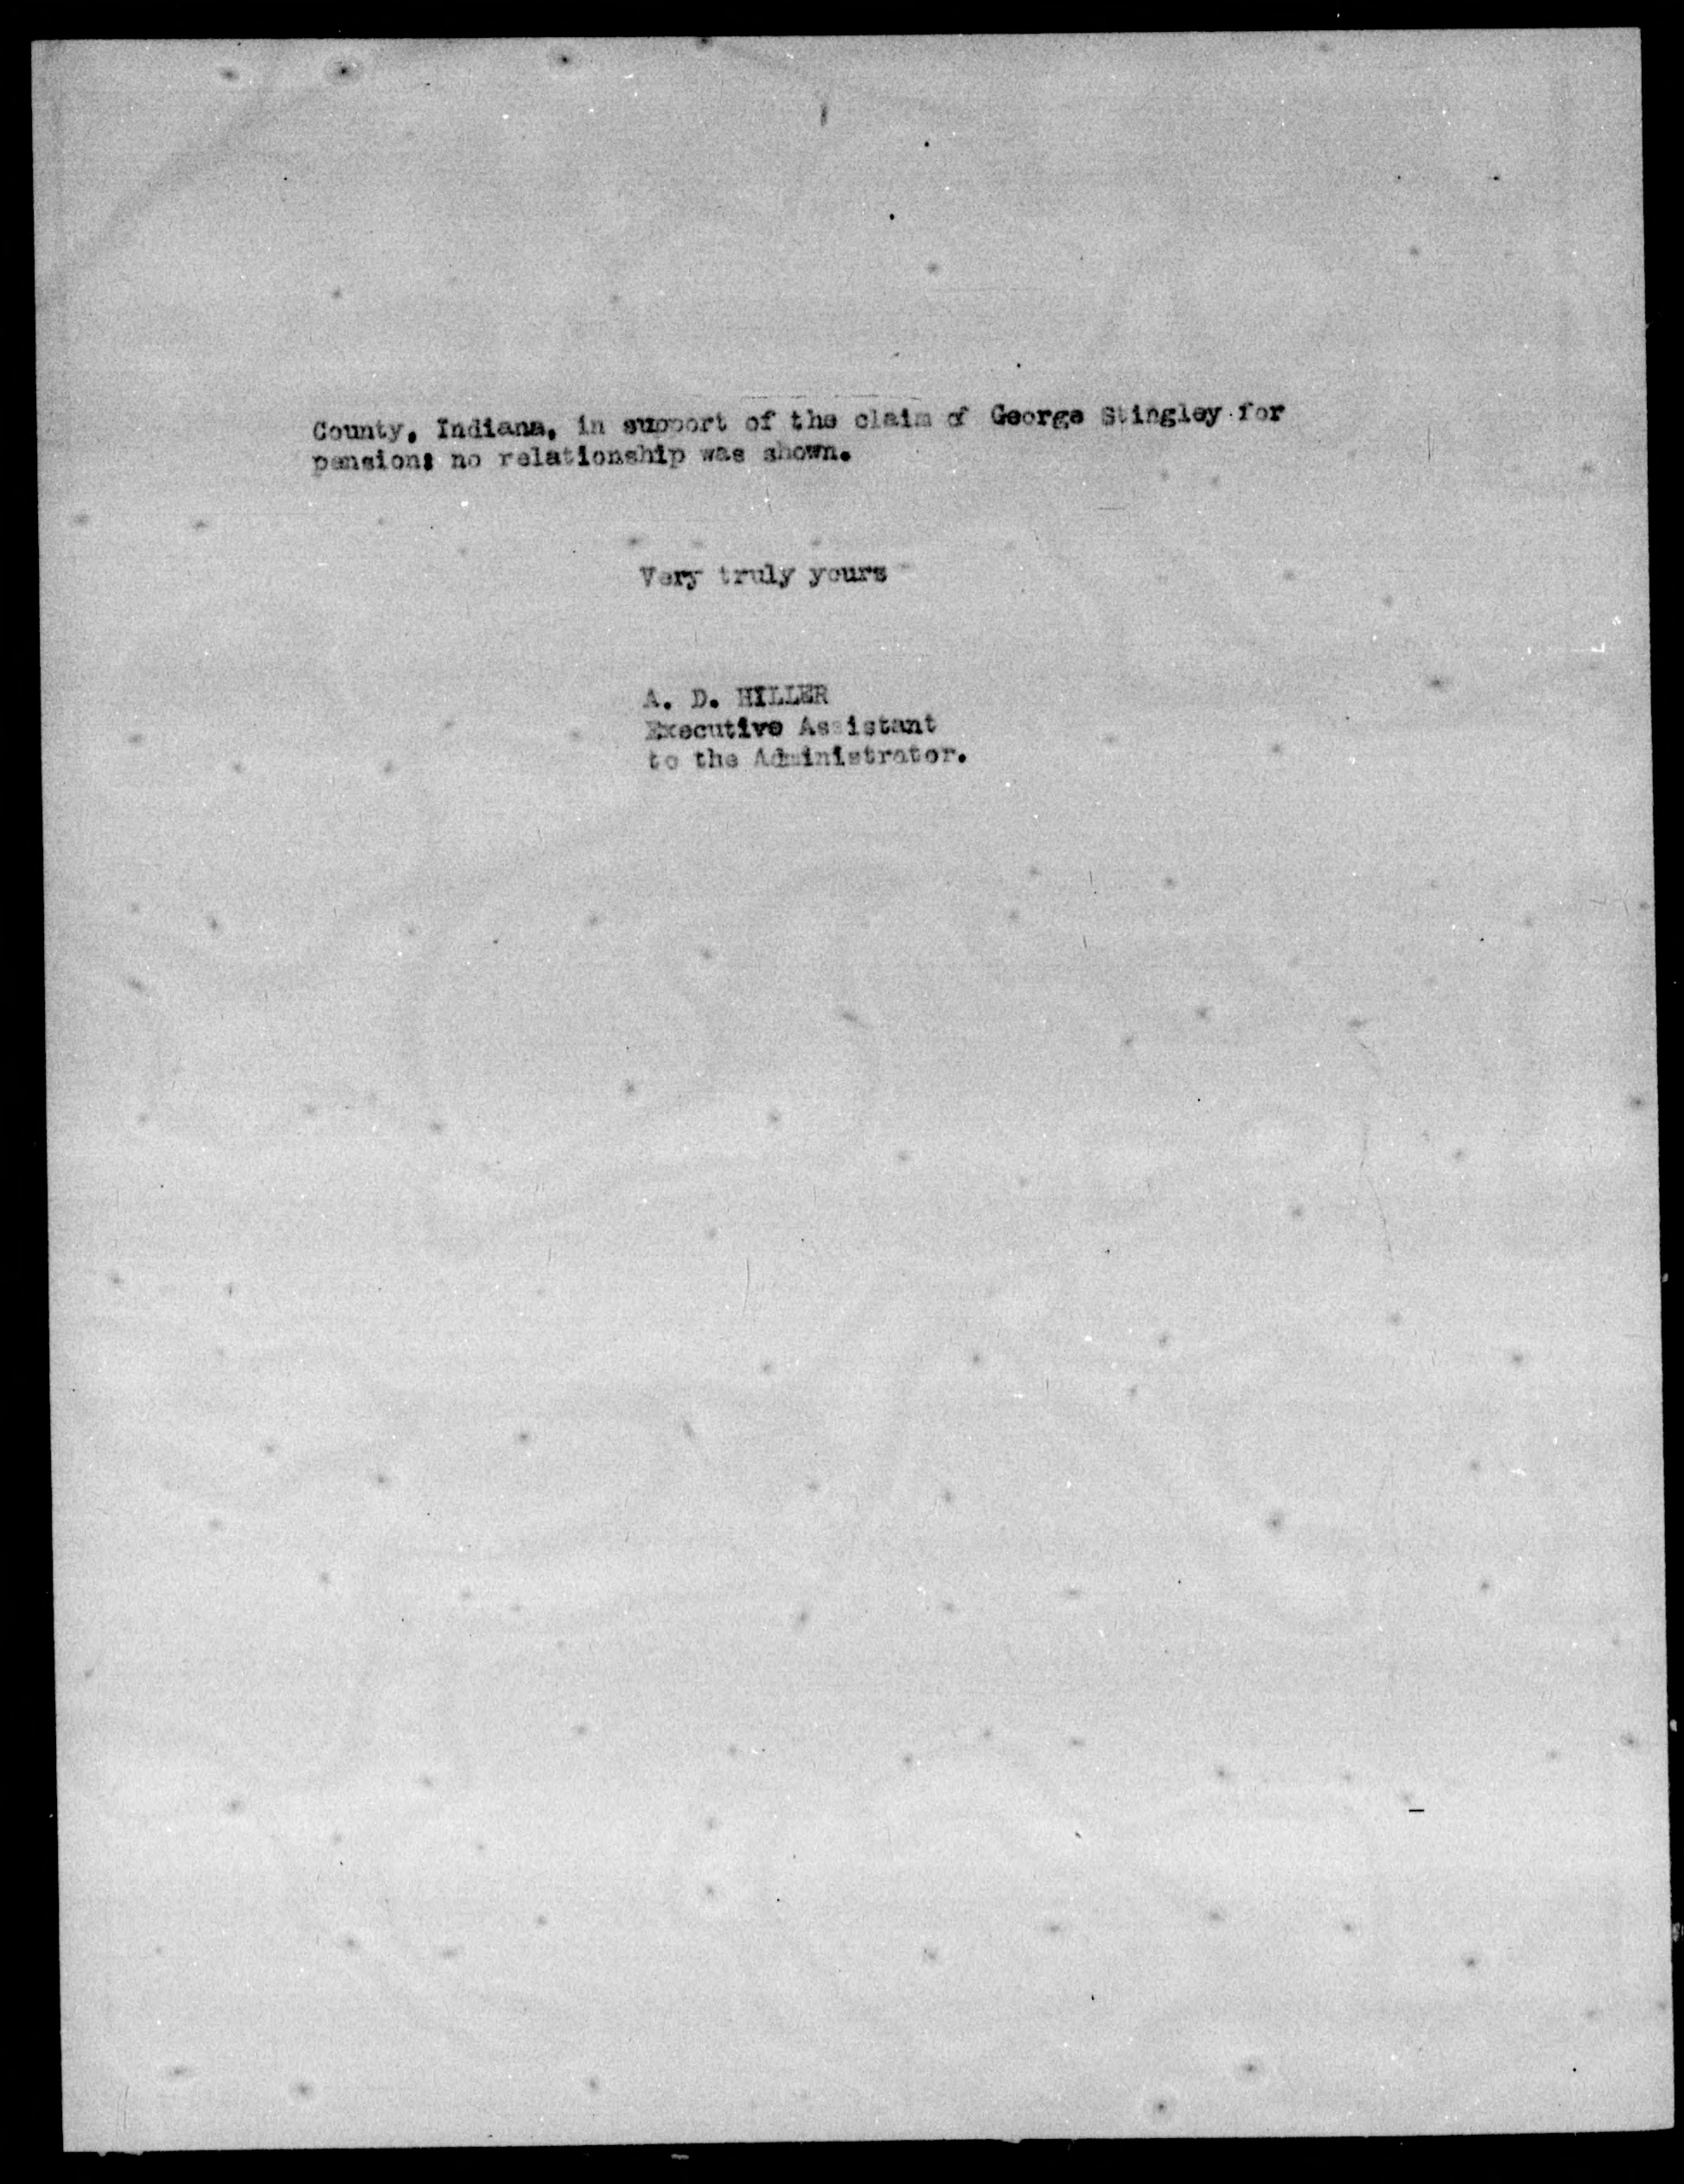County, Indiana, in support of the claim of George Stingley for
pensions no relationship was shown.

Very truly yours

A. D. Hiller
Executive Assistant
to the Administrator.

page: 8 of 12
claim: survivor's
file: S. 32543, for George Stingley, Virginia